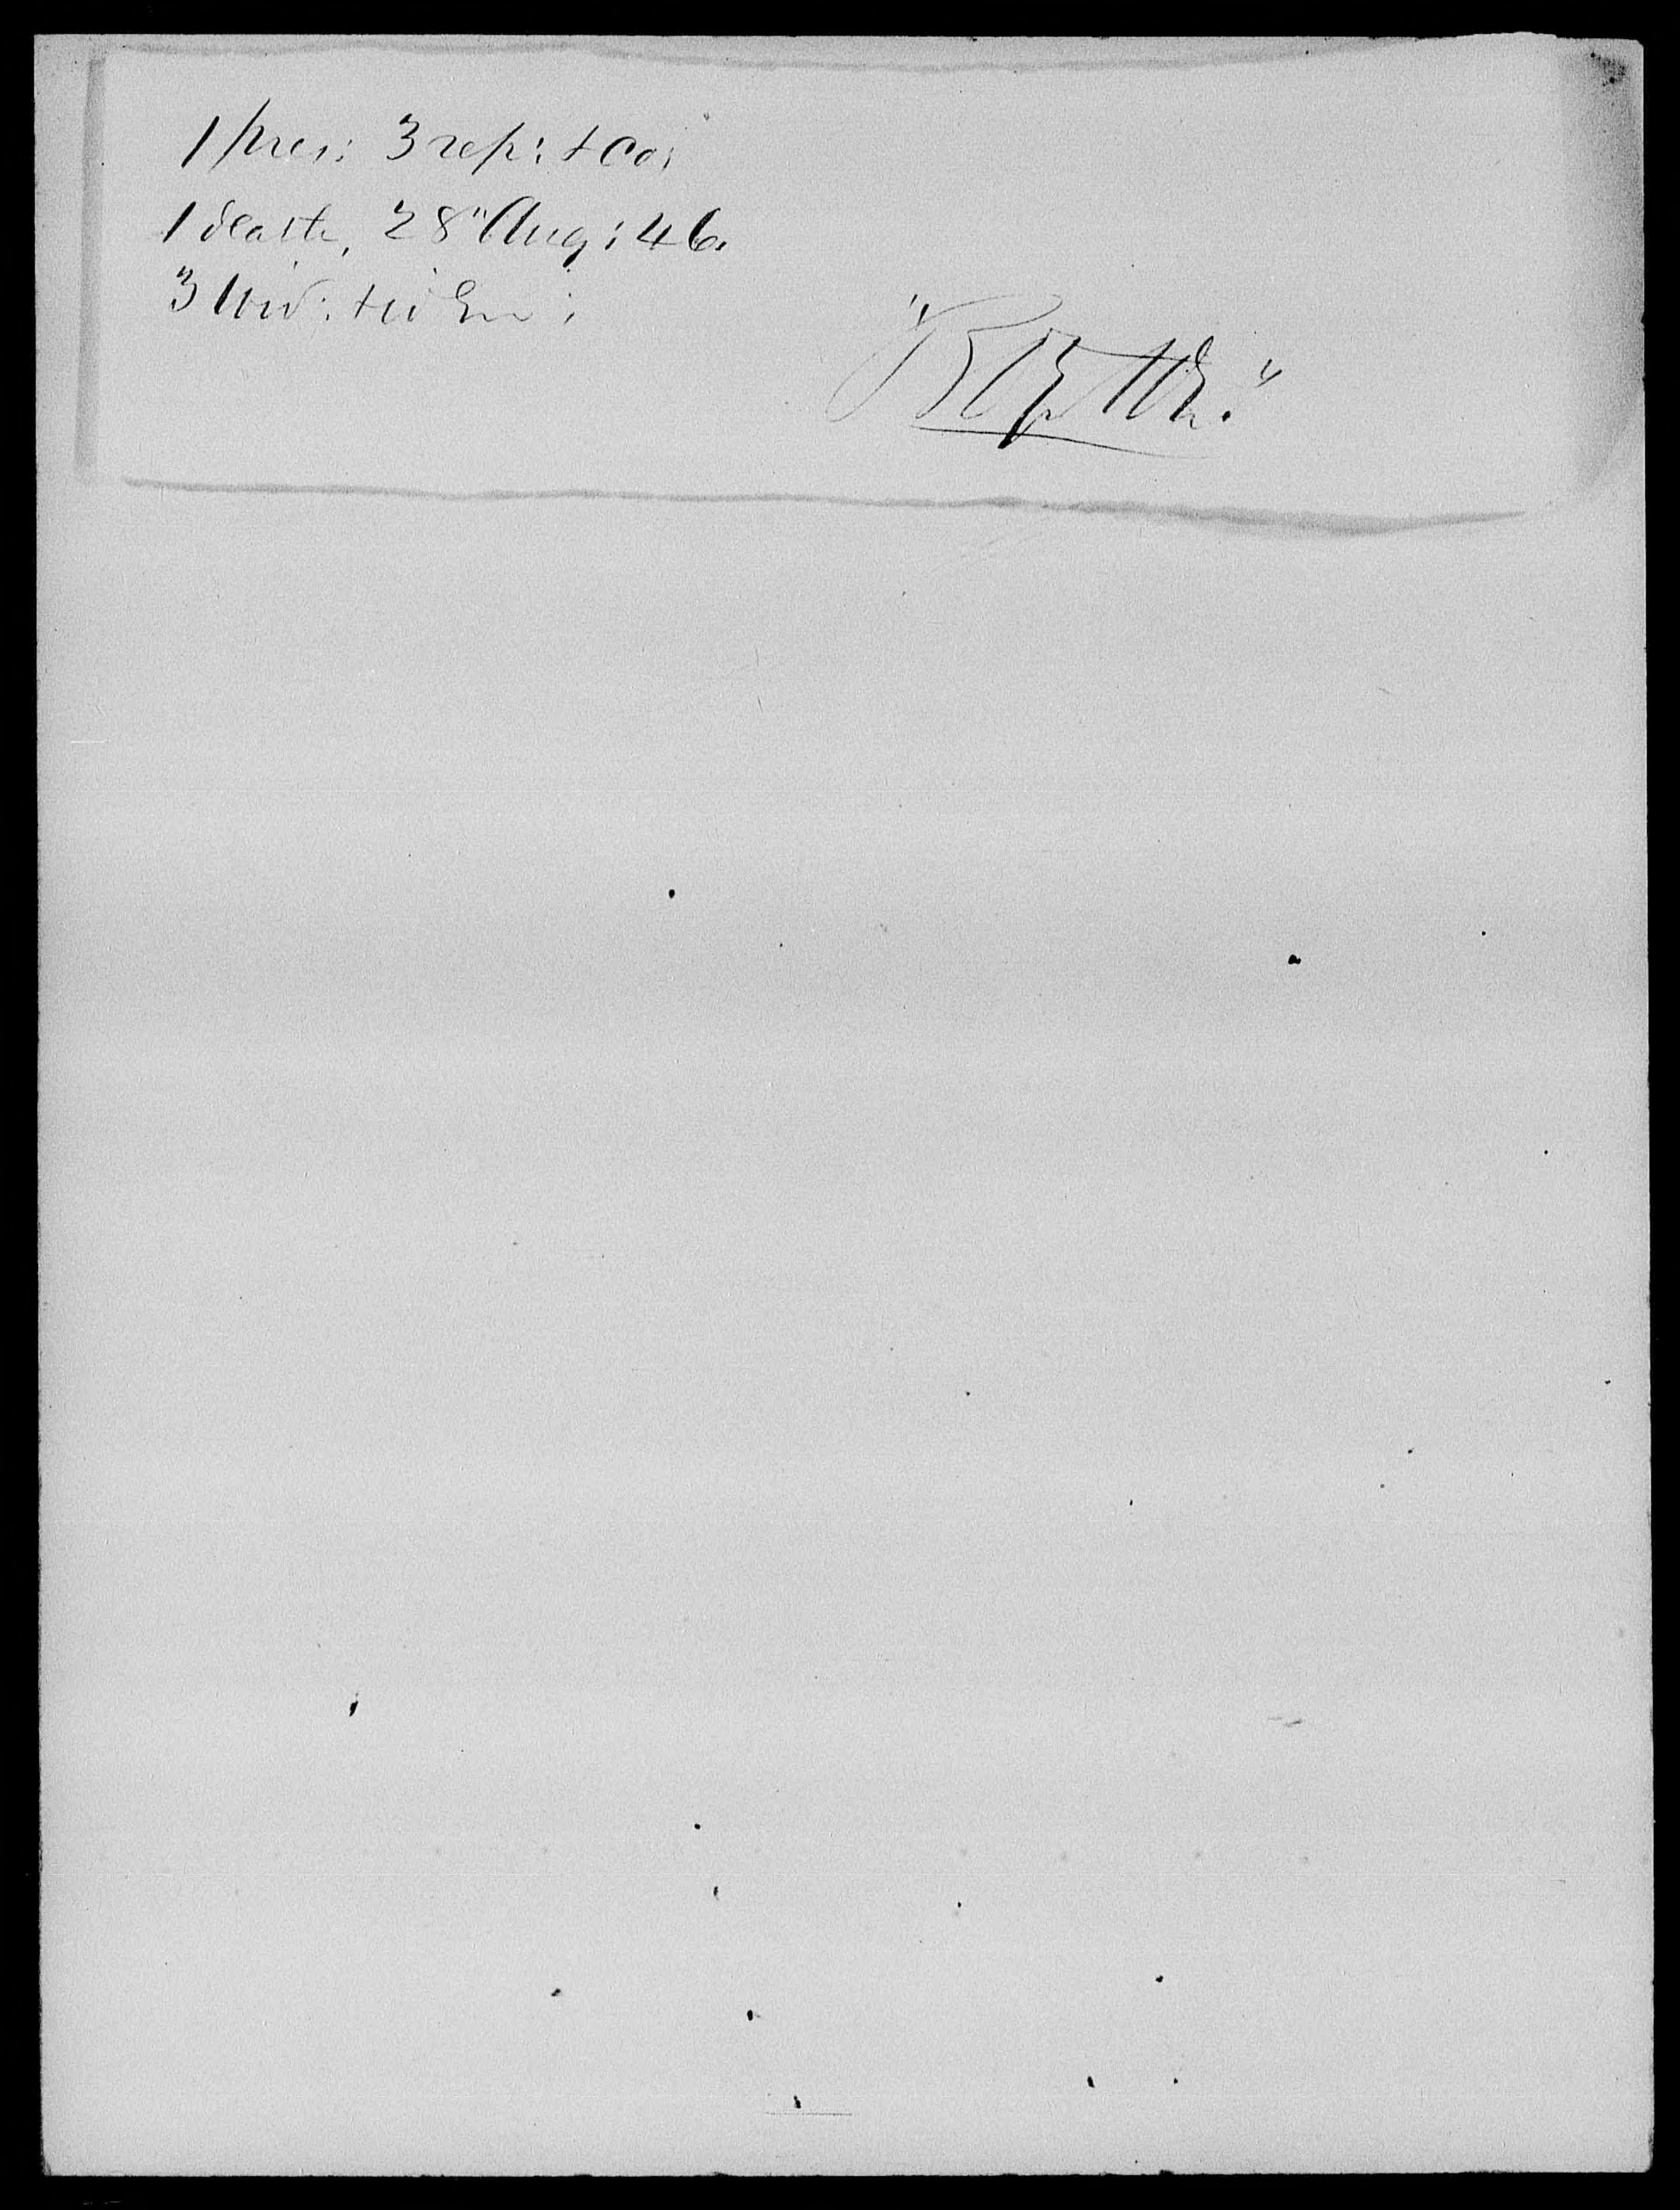1 pres: 3 rep: & co;
1 death, 28" Aug: 46.
3 Wid: & wife;

"Boynton" [S.C. Boynton, clerk]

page: 27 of 39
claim: widow's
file: W. 11060, Benjamin Gosnell, Va.